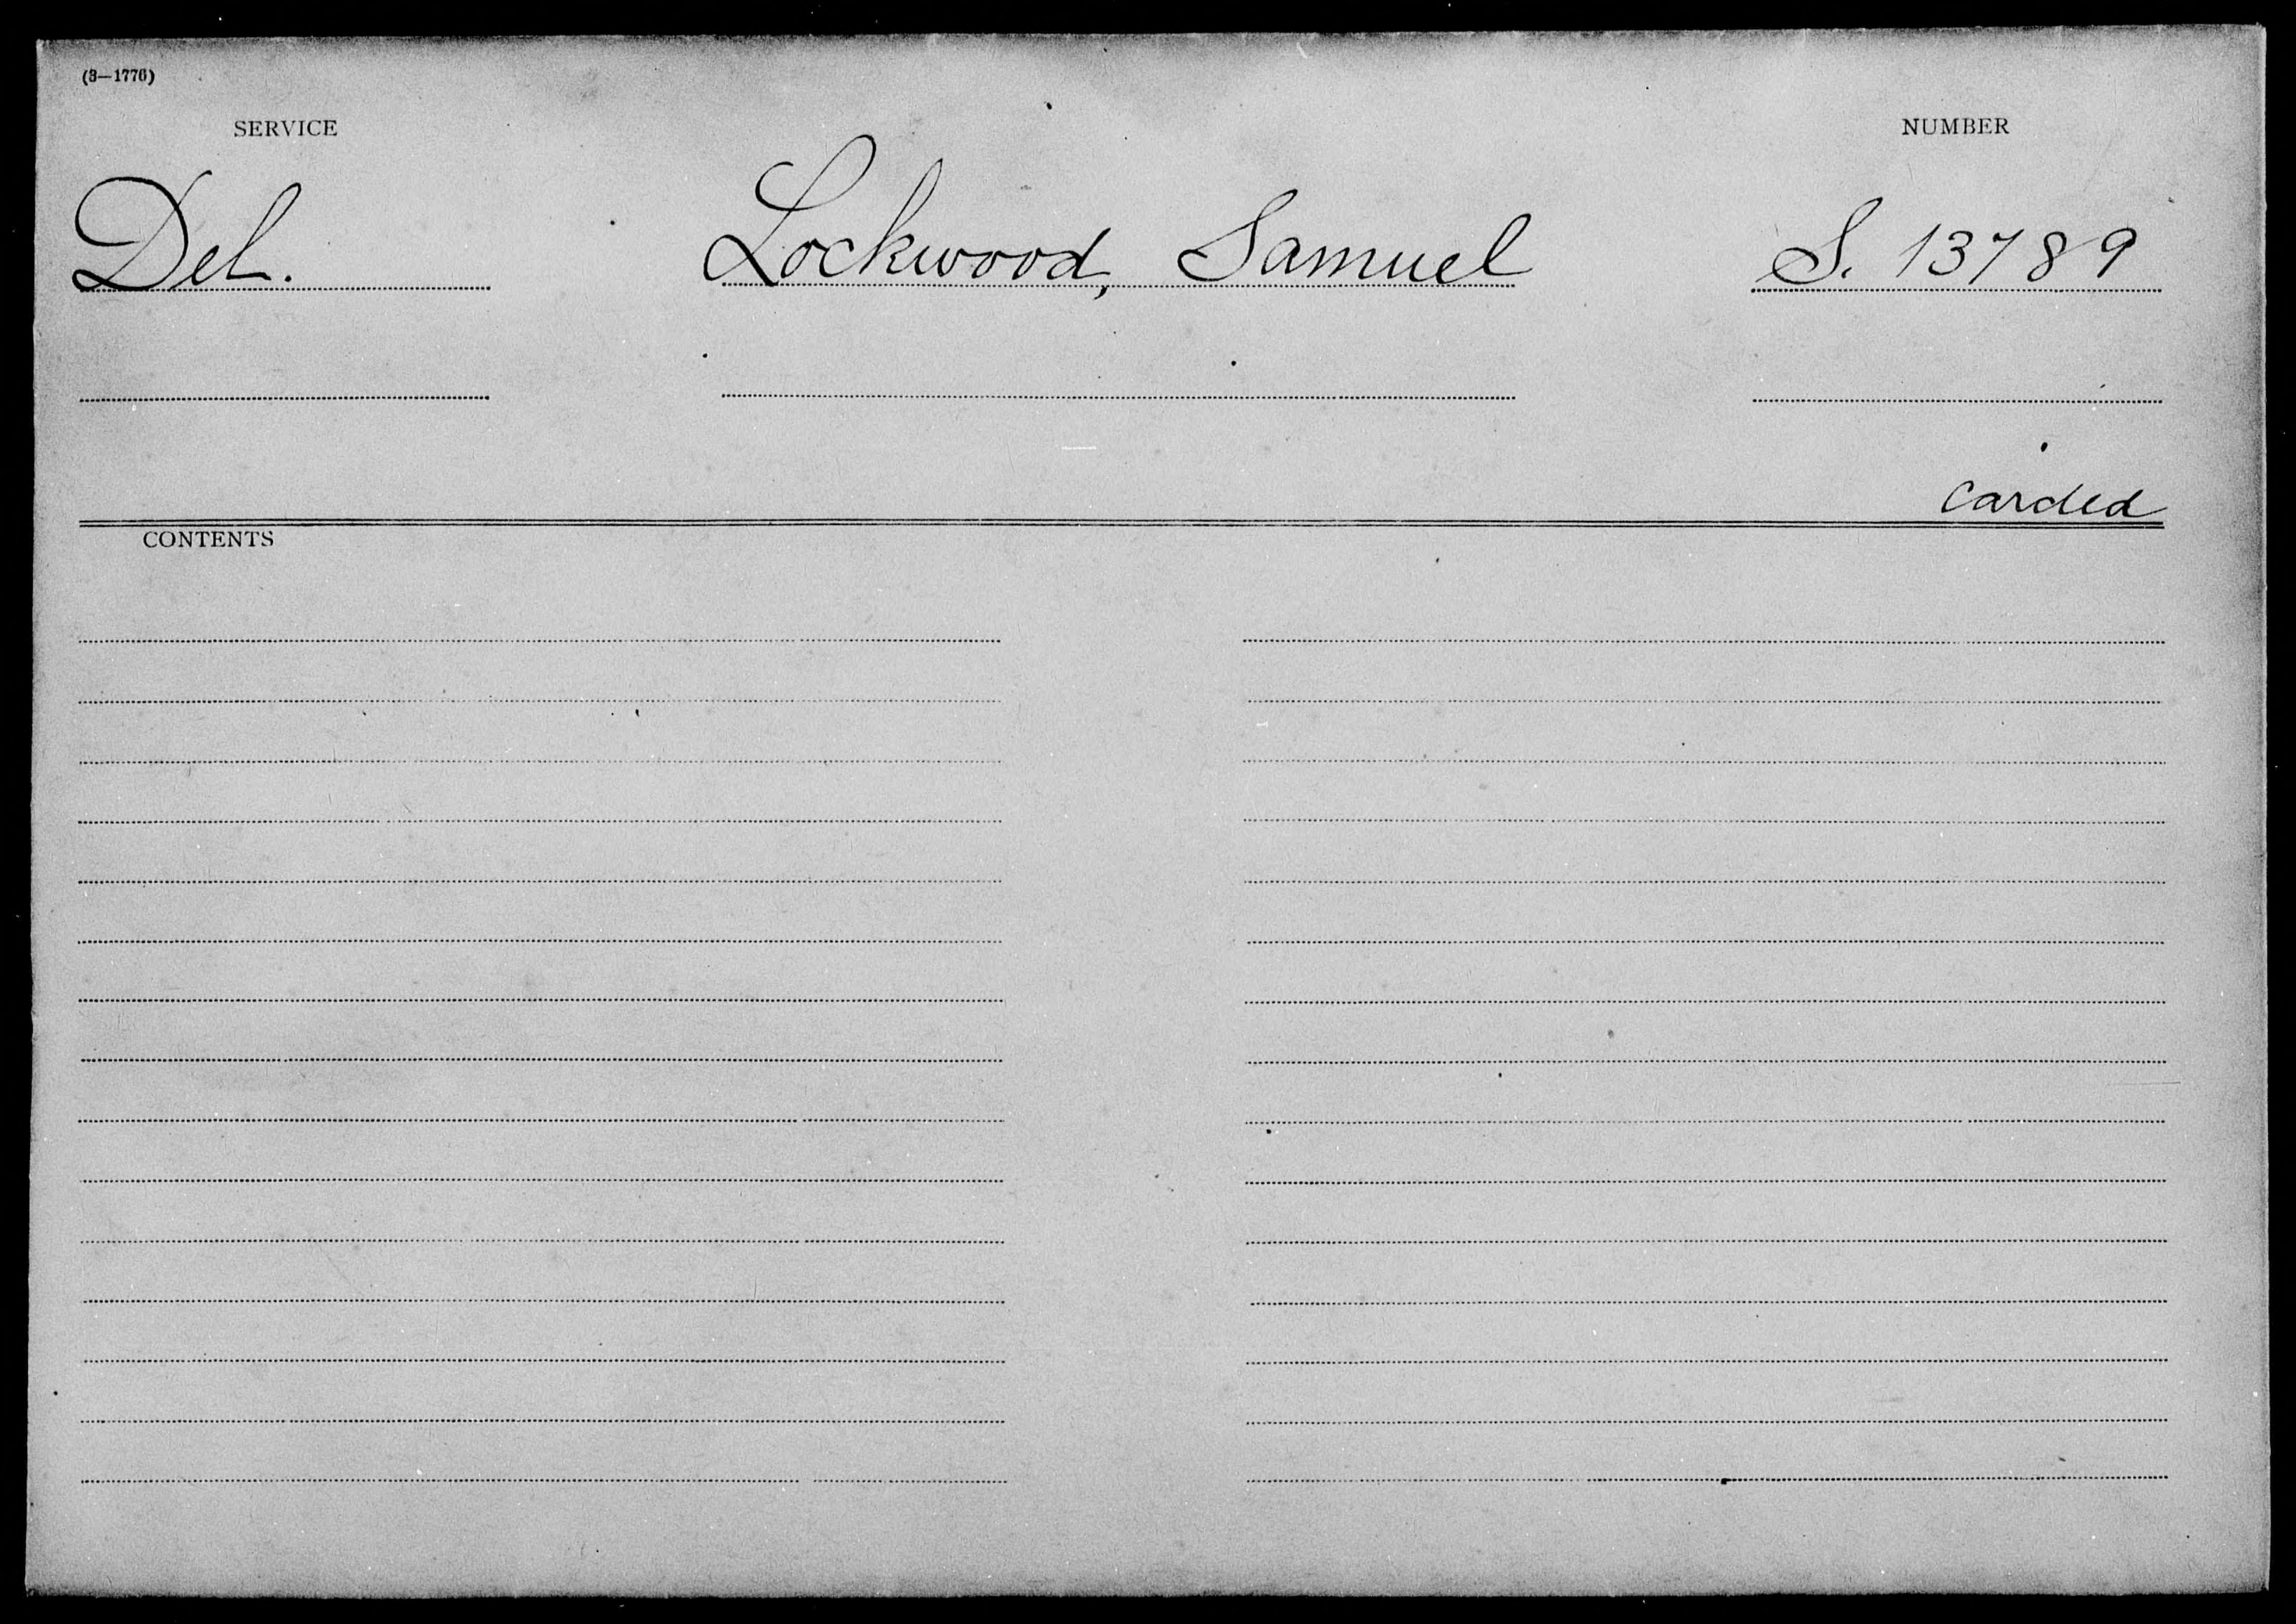Del.
Lockwood, Samuel
S. 13789

Carded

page: 1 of 25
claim: survivor's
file: S. 13789, for Samuel Lockwood, Delaware